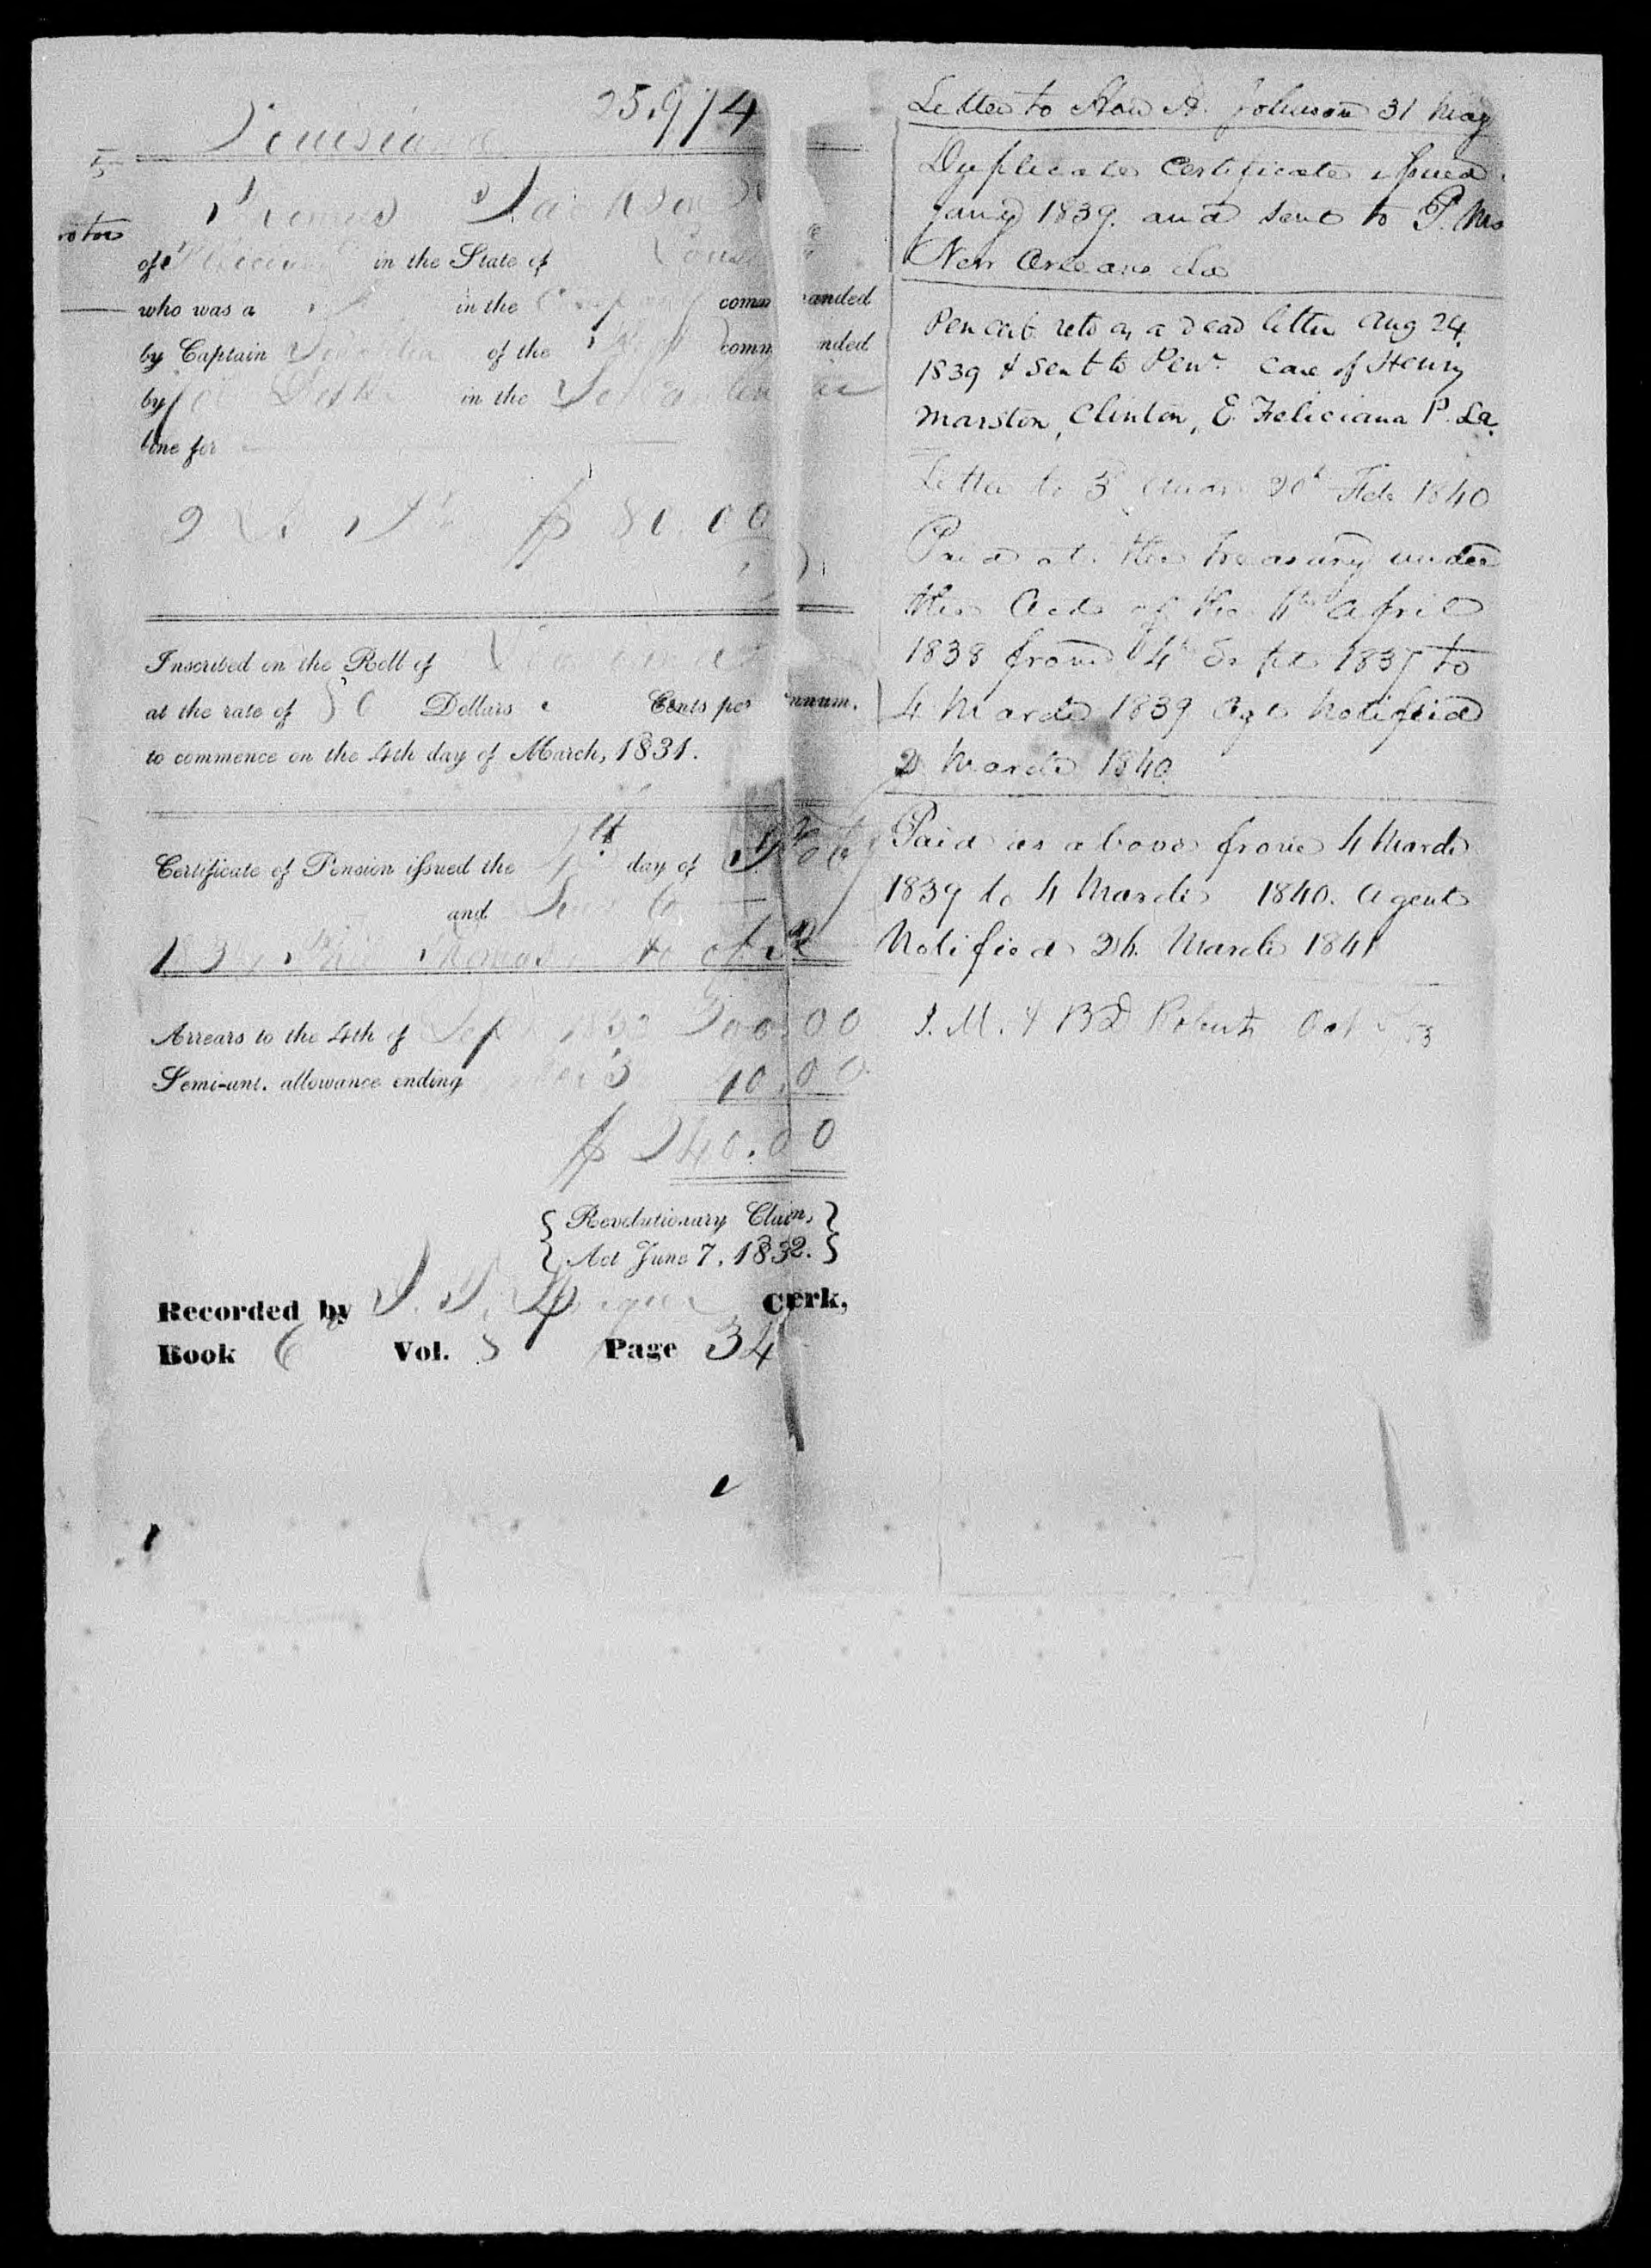[Left side of page]
Louisiana 25.914 
Thomas Jackson
of Feliciana in the State of Louisiana
who was a Sgt in the Company commanded
by Captain J [illegible] of the [illigible] commanded
by [illegible] in the South Carolina
line for 
[illegible] $80.00
Inscribed on the Roll of [illegible]
at the rate of 80 Dollars _____ cents per annum
to commence on the 4th day of March, 1831.
Certificate of Pension issued the 4th day of Feb 
1831 [illegible]
Arrears to the 4th of Sep 1803 200.00
Semi-uni. allowance ending [illegible] 40.00
$240.00
{Revolutionary Claim}
{Act June 7, 1832}
Recorded by J. F. Sprague Clerk
Book 6 Vol 8 Page 34

[Right side of page]
Letter to Hon H. Johnson 31 May
Duplicate Certificate found
January 1839 and sent to P Mis
New Orleans La
Pen cert ret. on a dead letter Aug 24
1839 & sent to Pen. case of Henry
Marston, Clinton, E. Feliciana P. La
Letter to 3d Union 20th Feb 1840
Paid at the Treasury under
the Act of the 6th April
1838 from 4th Sept 1837 to
4 March 1839 Agt notified
2 March 1840
Paid as above from 4 March
1839 to 4 March 1840. Agent
notified 26 March 1841
J.M. & BD Roberts Oct of 53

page: 2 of 54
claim: survivor's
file: S. 31166, for Thomas Jackson, South Carolina